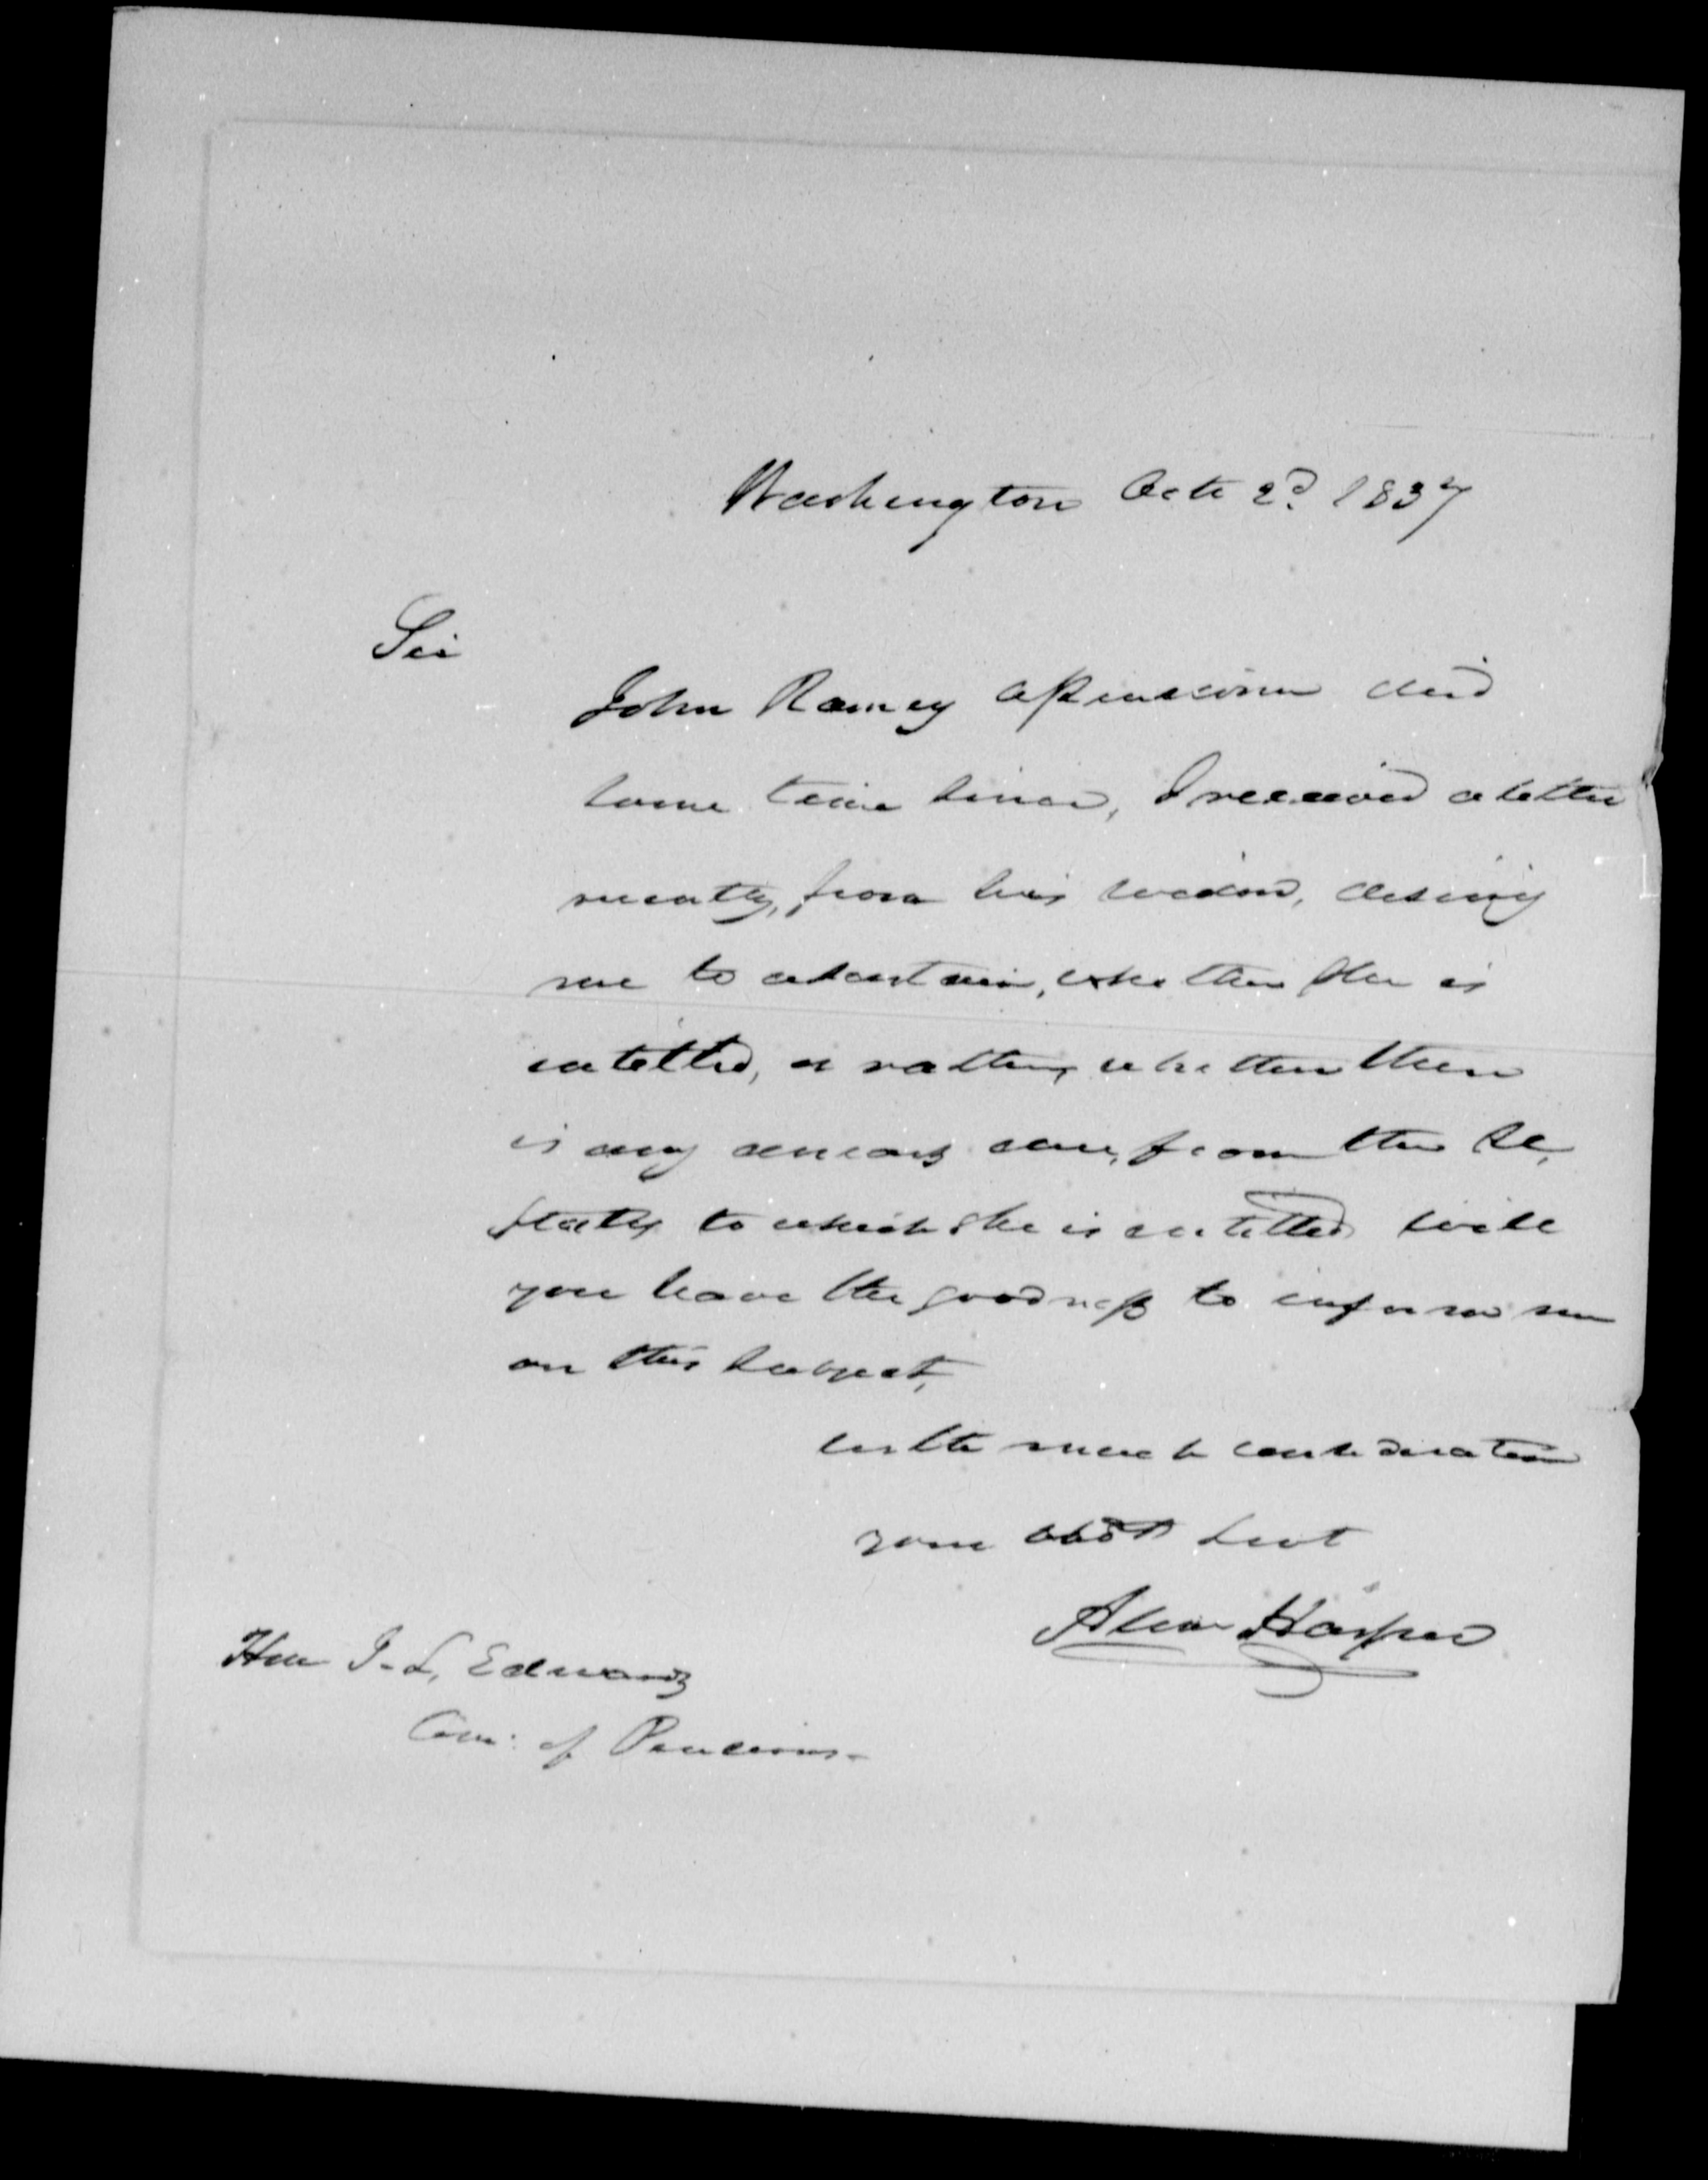Washington Octo 2d. 1837
Sir
John Ramey a pensioner and same time since, I received a letter neatly, from his widow, asking me to ascertain, whether she is entitled, as nothing written then is an arrears sum, from the U. States to which she is entitled will you have the goodness to inform me on this subject,
with much consideration
Your Obdt Sevt
Alexr Harper

Hon J. L. Edwards
Com: of Pensions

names: Alexr Harper; J L Edwards; John Ramey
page: 32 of 84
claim: widow's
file: W.11104, for John Remay, Virginia